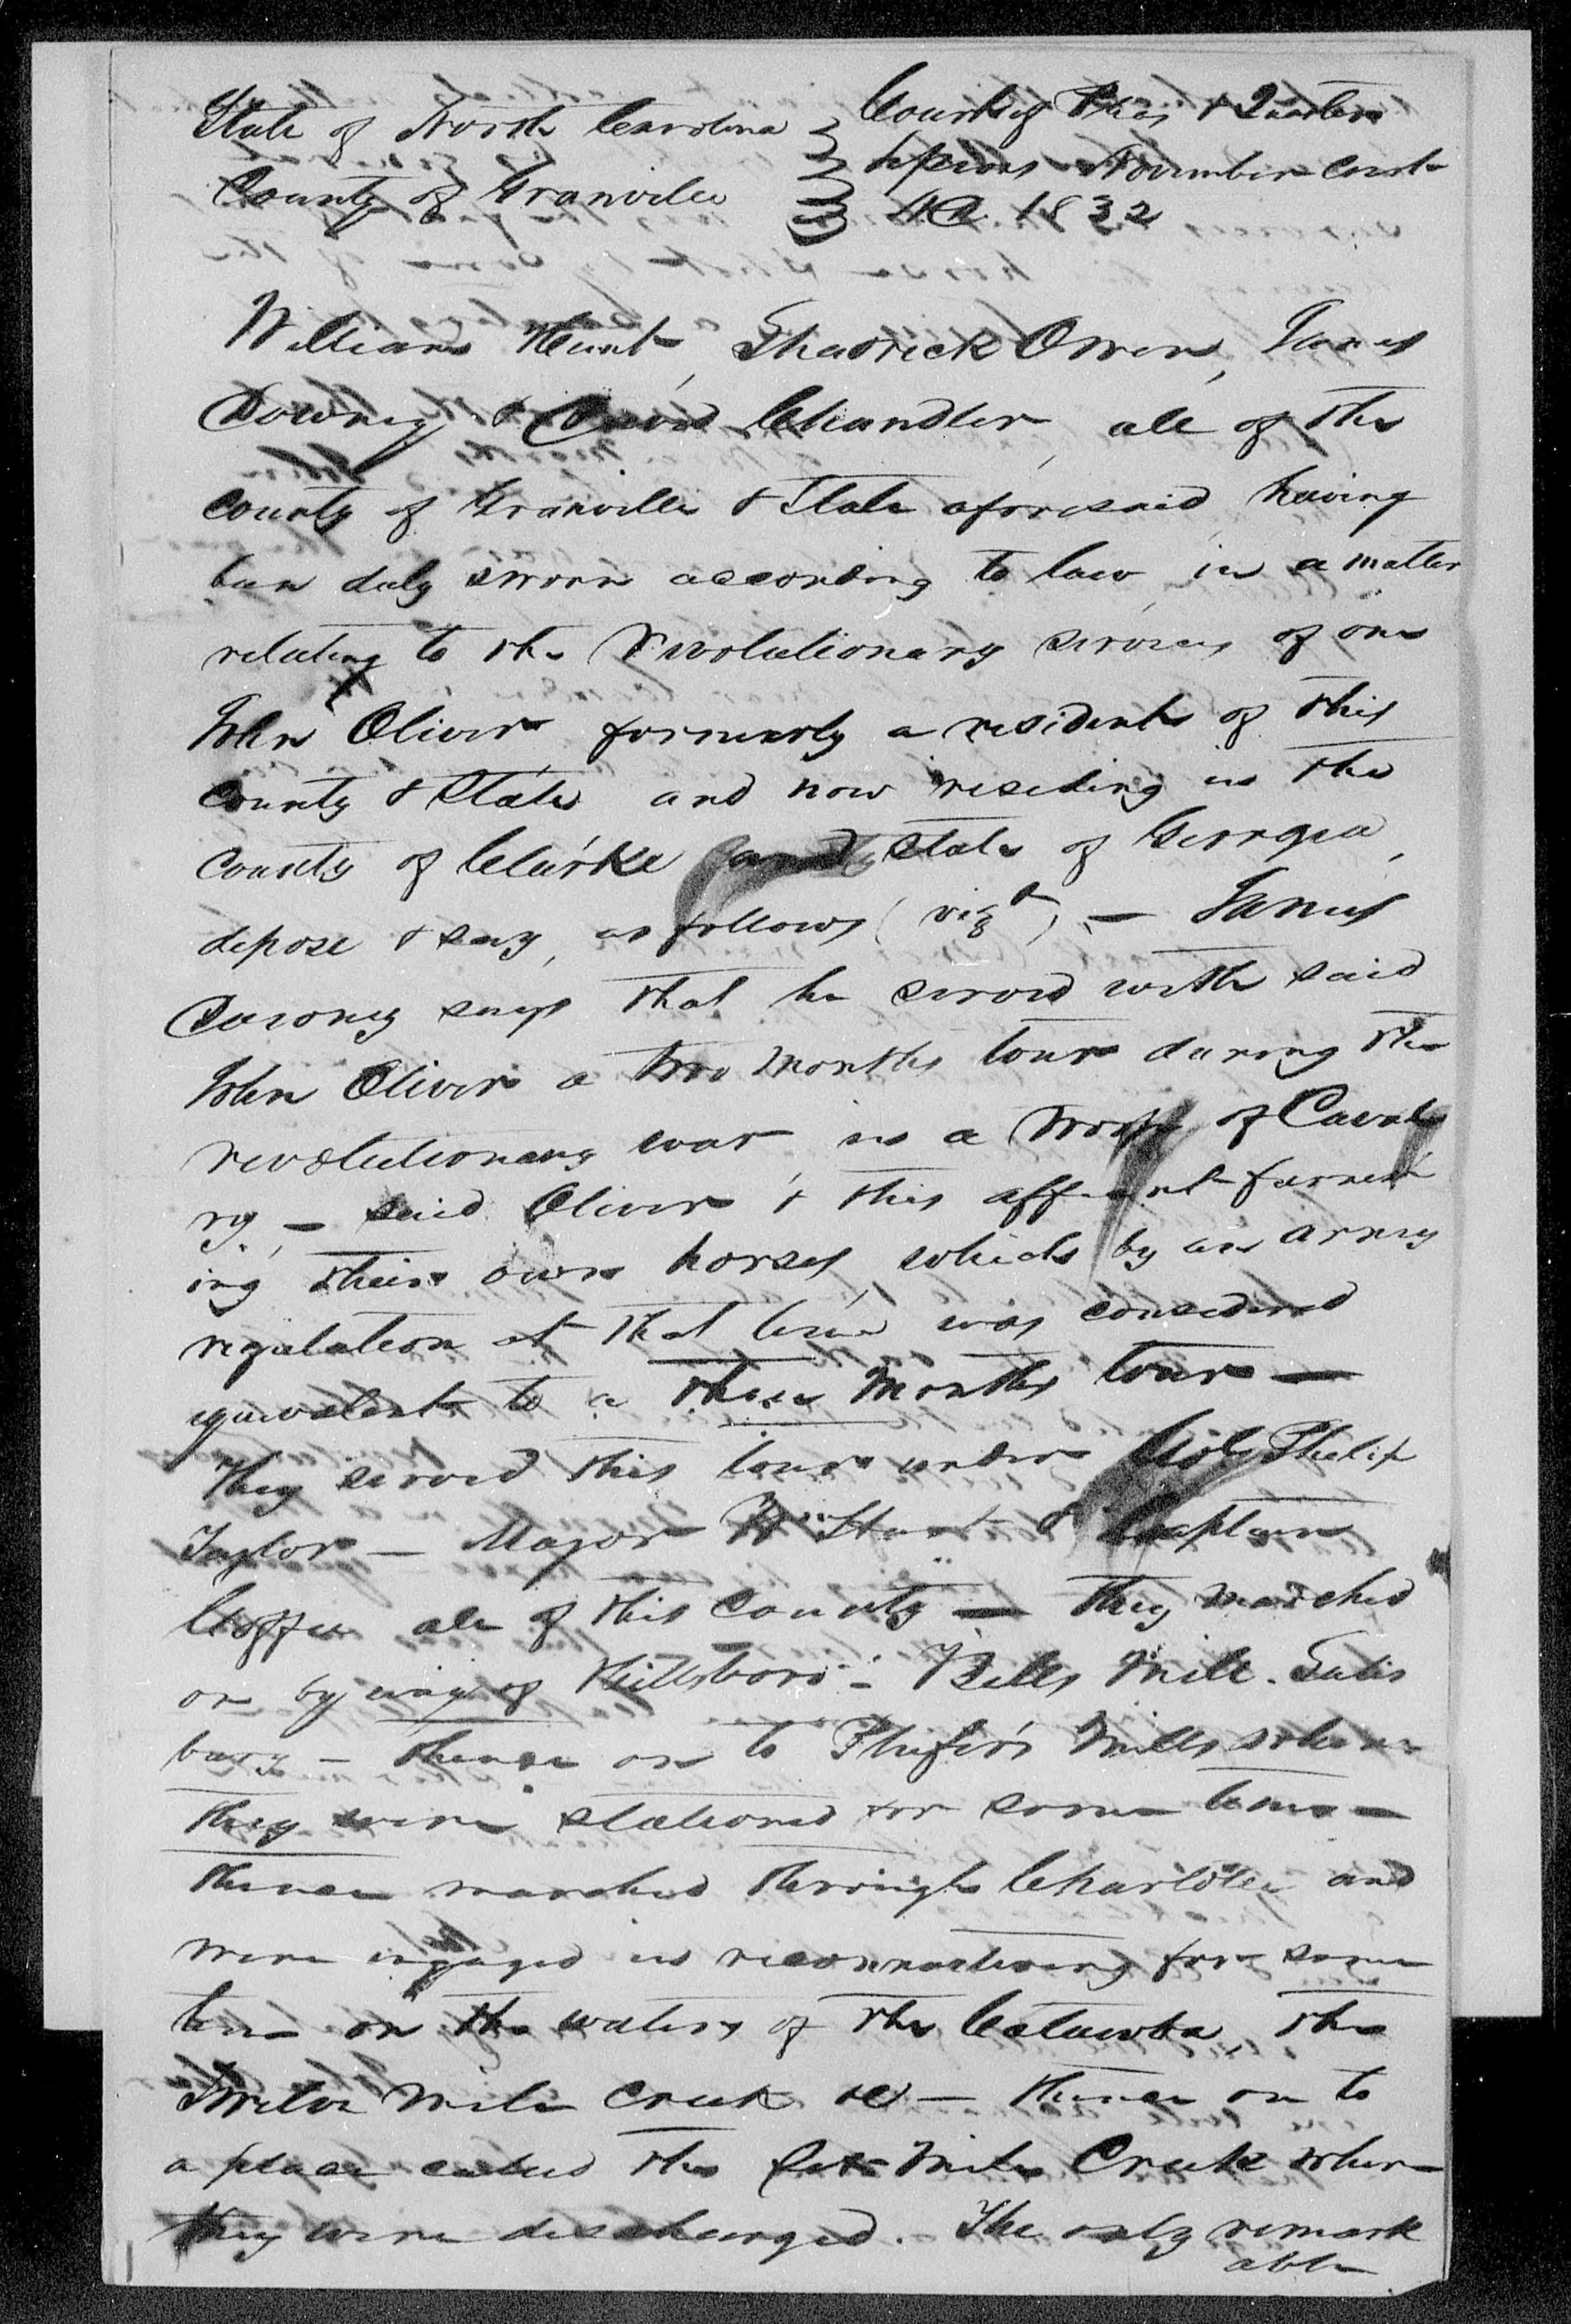State of North Carolina
County of Granville
 Court of Pleas & Quarter Sessions November Court A.D. 1832 
William Hunt, Shadrach Owens, James Downey & David Chandler all of this County of 
Granville & State aforesaid having been duly sworn according to law in a matter relating to the Revolutionary services of one John Oliver formerly a resident of the County & State of and now residing in the County of Clarke, State of Georgia depose and say, as follows (viz.) -- James Downey says that he served with said John Oliver a two months tour during the revolutionary war in a Troop of Cavalry -- said Oliver & this affiant finding their own horses which by an Army regulation at that time was considered equivalent to a three months tour -- They served this tour under Col. Philip Taylor – Major W Hunt & Capt. Coffee all of this County -- they marched on by way of Hillsboro -- Bell's Mill, Salisbury -- thence on to Phifer's Mills where they were stationed for some time -- thence marched through Charlotte and were engaged in reconnoitering for some time on the waters of the Catawba, the twelve mile Creek &c -- thence on to a place called the six mile Creek where they were discharged.  The only remarkable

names: Philip Taylor; James Downey; William Hunt; Shadreck Owen; David Chandler; John Oliver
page: 16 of 32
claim: survivor's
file: S. 31888, for John Oliver, North Carolina